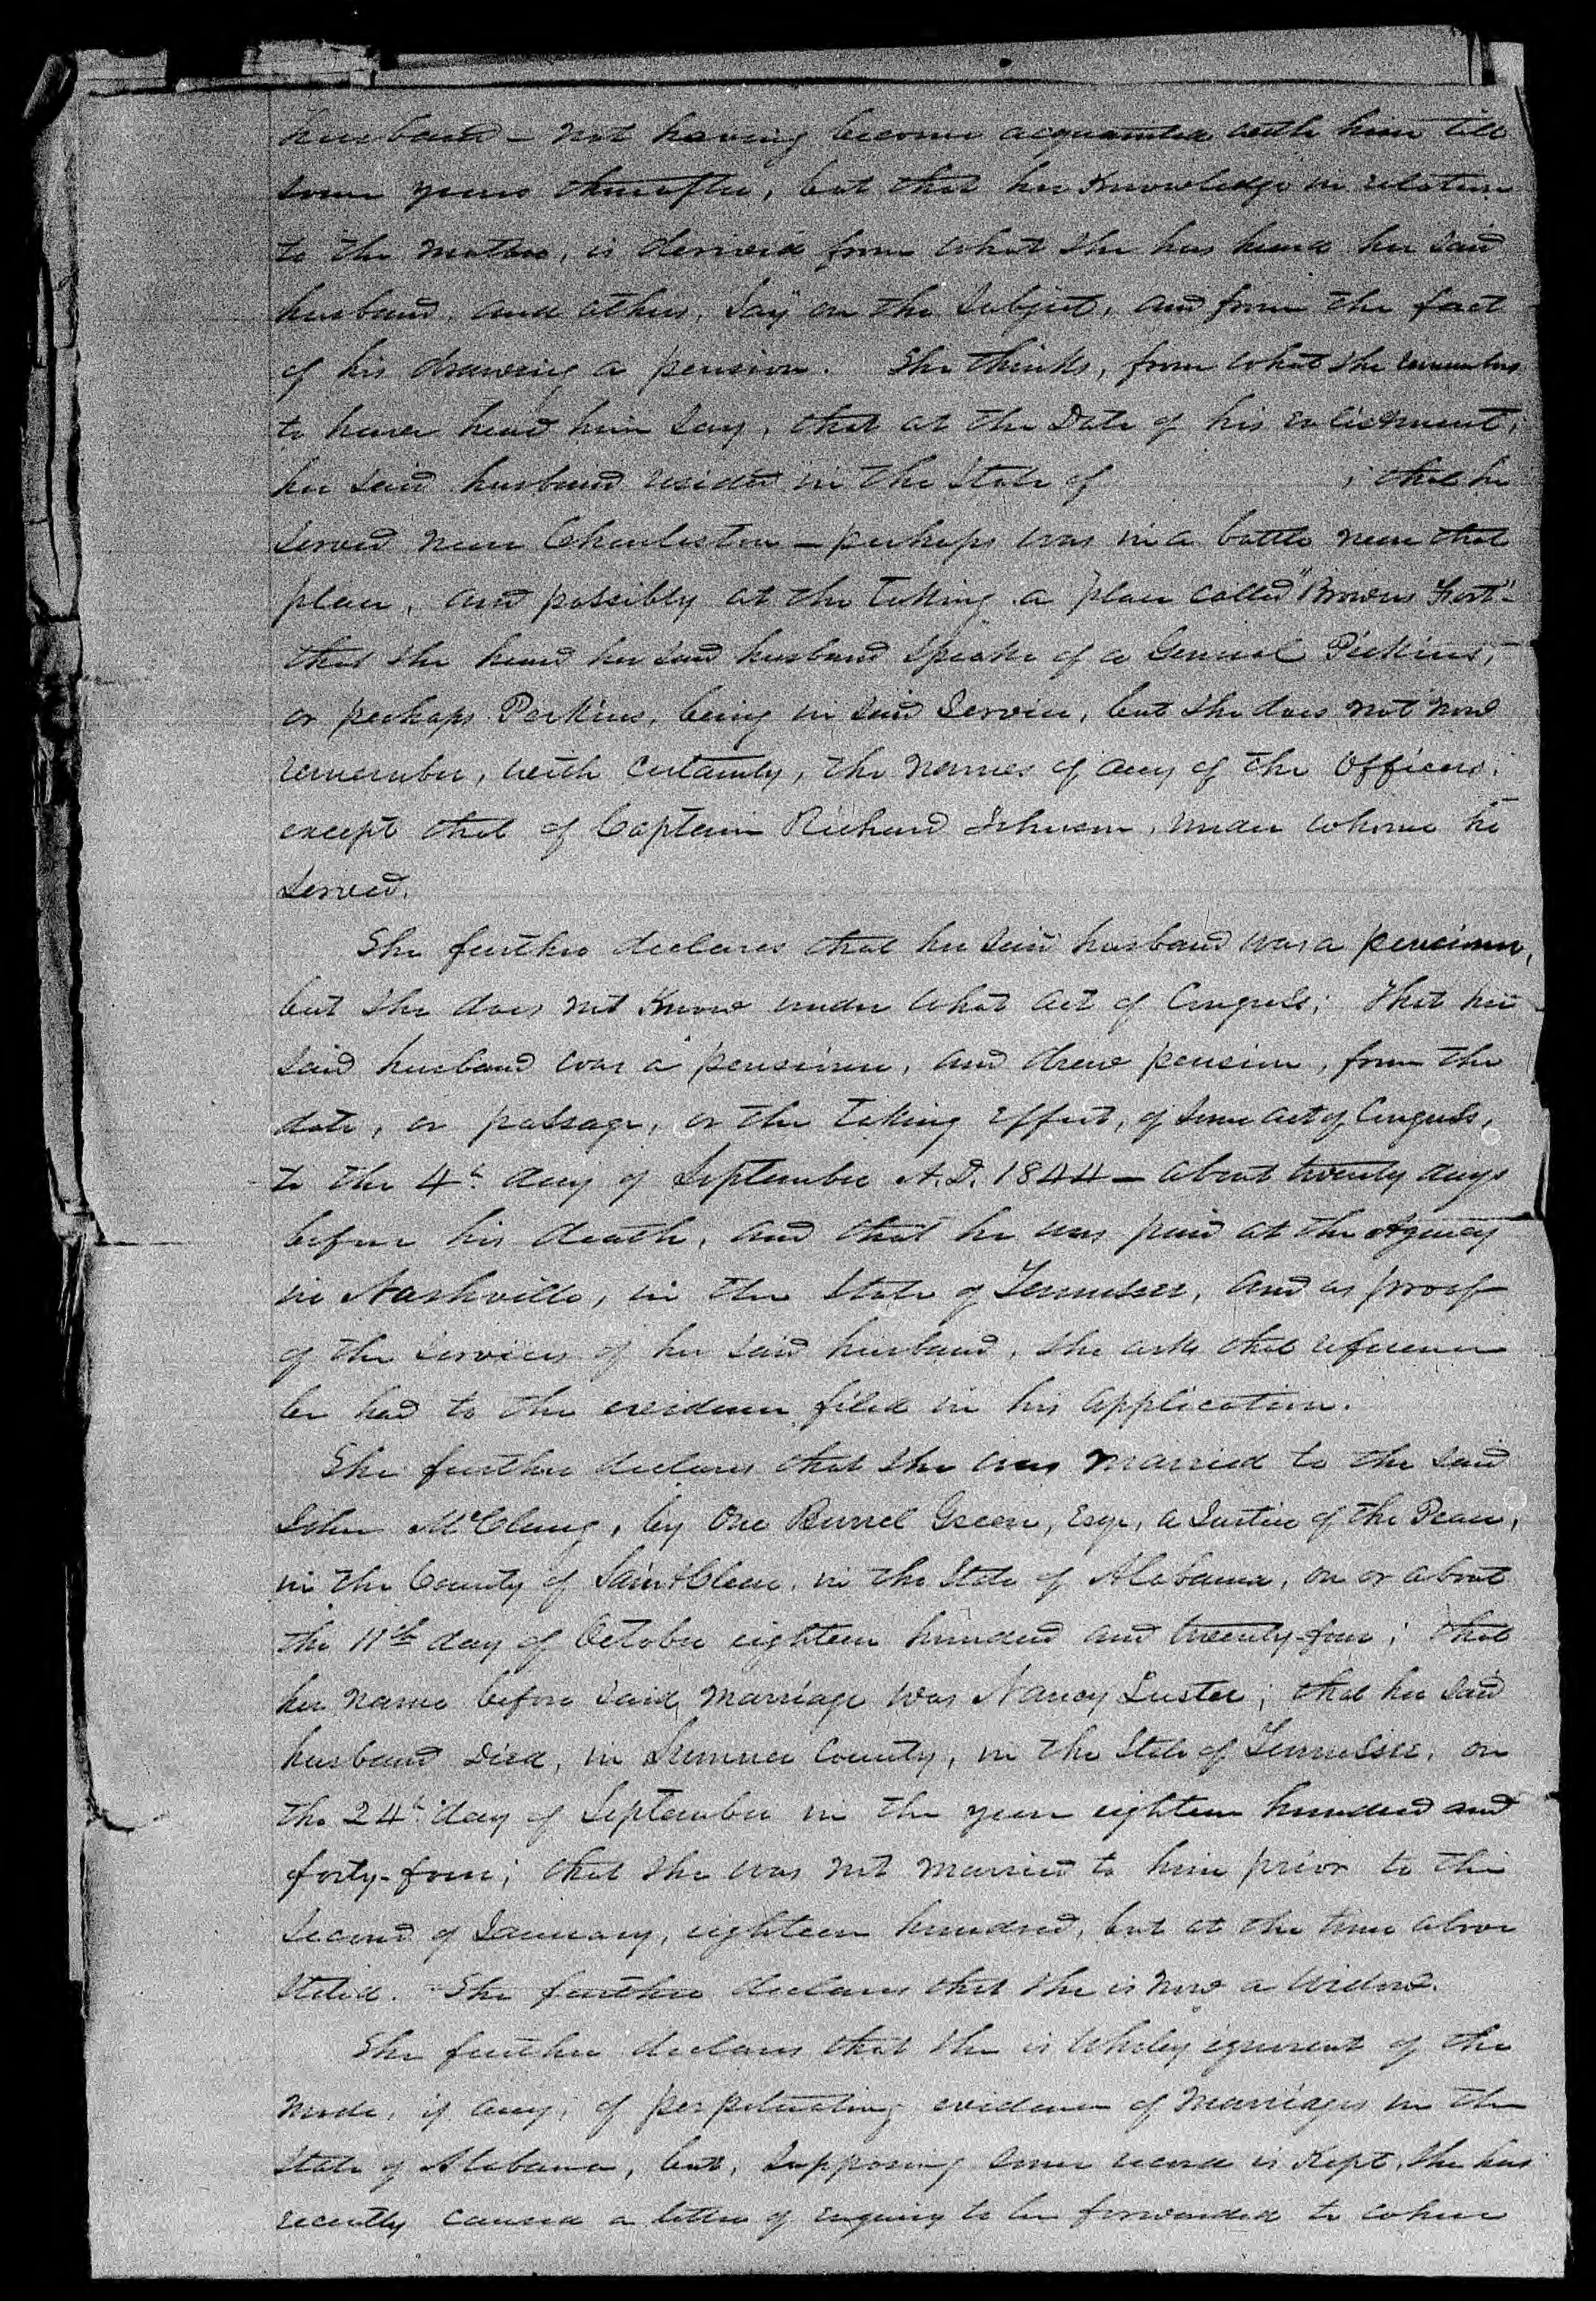husband, not having become acquainted with him till 
some years thereafter, but that her knowledge in relation 
to the matter is derived from what she has heard her said 
husband and others, say on the subject, and from the fact 
of his drawing a pension.  She thinks, from what she remembers 
to have heard his say, that at the date of his enlistment, 
her said husband resided in the State of [blank]; that he 
served near Charleston, perhaps was in a battle near that 
place, and possibly at the taking a place called "Browns Fort". 
that she heard her said husband speak of a General Pickens, 
or perhaps Perkins, being in said service, but she does not now 
remember, with certainty the names of any of the officers, 
except that of Captain Richard Johnson, under whom he 
served.

She further declares that her said husband was a pensioner, 
but she does not know under what act of Congress.  That her 
said husband was a pensioner, and drew pension, from the 
date, or passage, or the taking effect, of some act of Congress, 
to the 4th day of September A.D. 1844, about twenty days 
before his death, and that he was paid at the Agency 
in Nashville, in the State of Tennessee, and as proof 
of the services of her said husband, she asks that reference 
be had to the evidence filed in his application.

She further declares that she was married to the said 
John McClung, by one Burrel Green, Esqr, a Justice of the Peace, 
in the County of Saint Clair, in the State of Alabama, or or about 
the 11th day of October eighteen hundred and twenty four; that 
her name before said marriage was Nancy Luster; that her said 
husband died, in Sumner County, in the State of Tennessee, on 
the 24th day of September in the year eighteen hundred and 
forty four; that she was not married to him prior to the 
second of January, eighteen hundred, but at the time above 
stated.  She further declares that she is now a widow. 

She further declares that she is wholey [wholly] ignorant of the 
mode, if any, of [illegible] evidence of marriages in the 
State of Alabama, but supposing some record is kept, she has 
recently caused a letter of enquiry [inquiry] to be forwarded to where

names: John Mc Clung; Burrel Green; [BLANK] Perkins; [BLANK] Pickins; Nancy Luster; Richard Johnson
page: 27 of 115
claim: widow's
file: W. 1446, for John Mc Clung, South Carolina